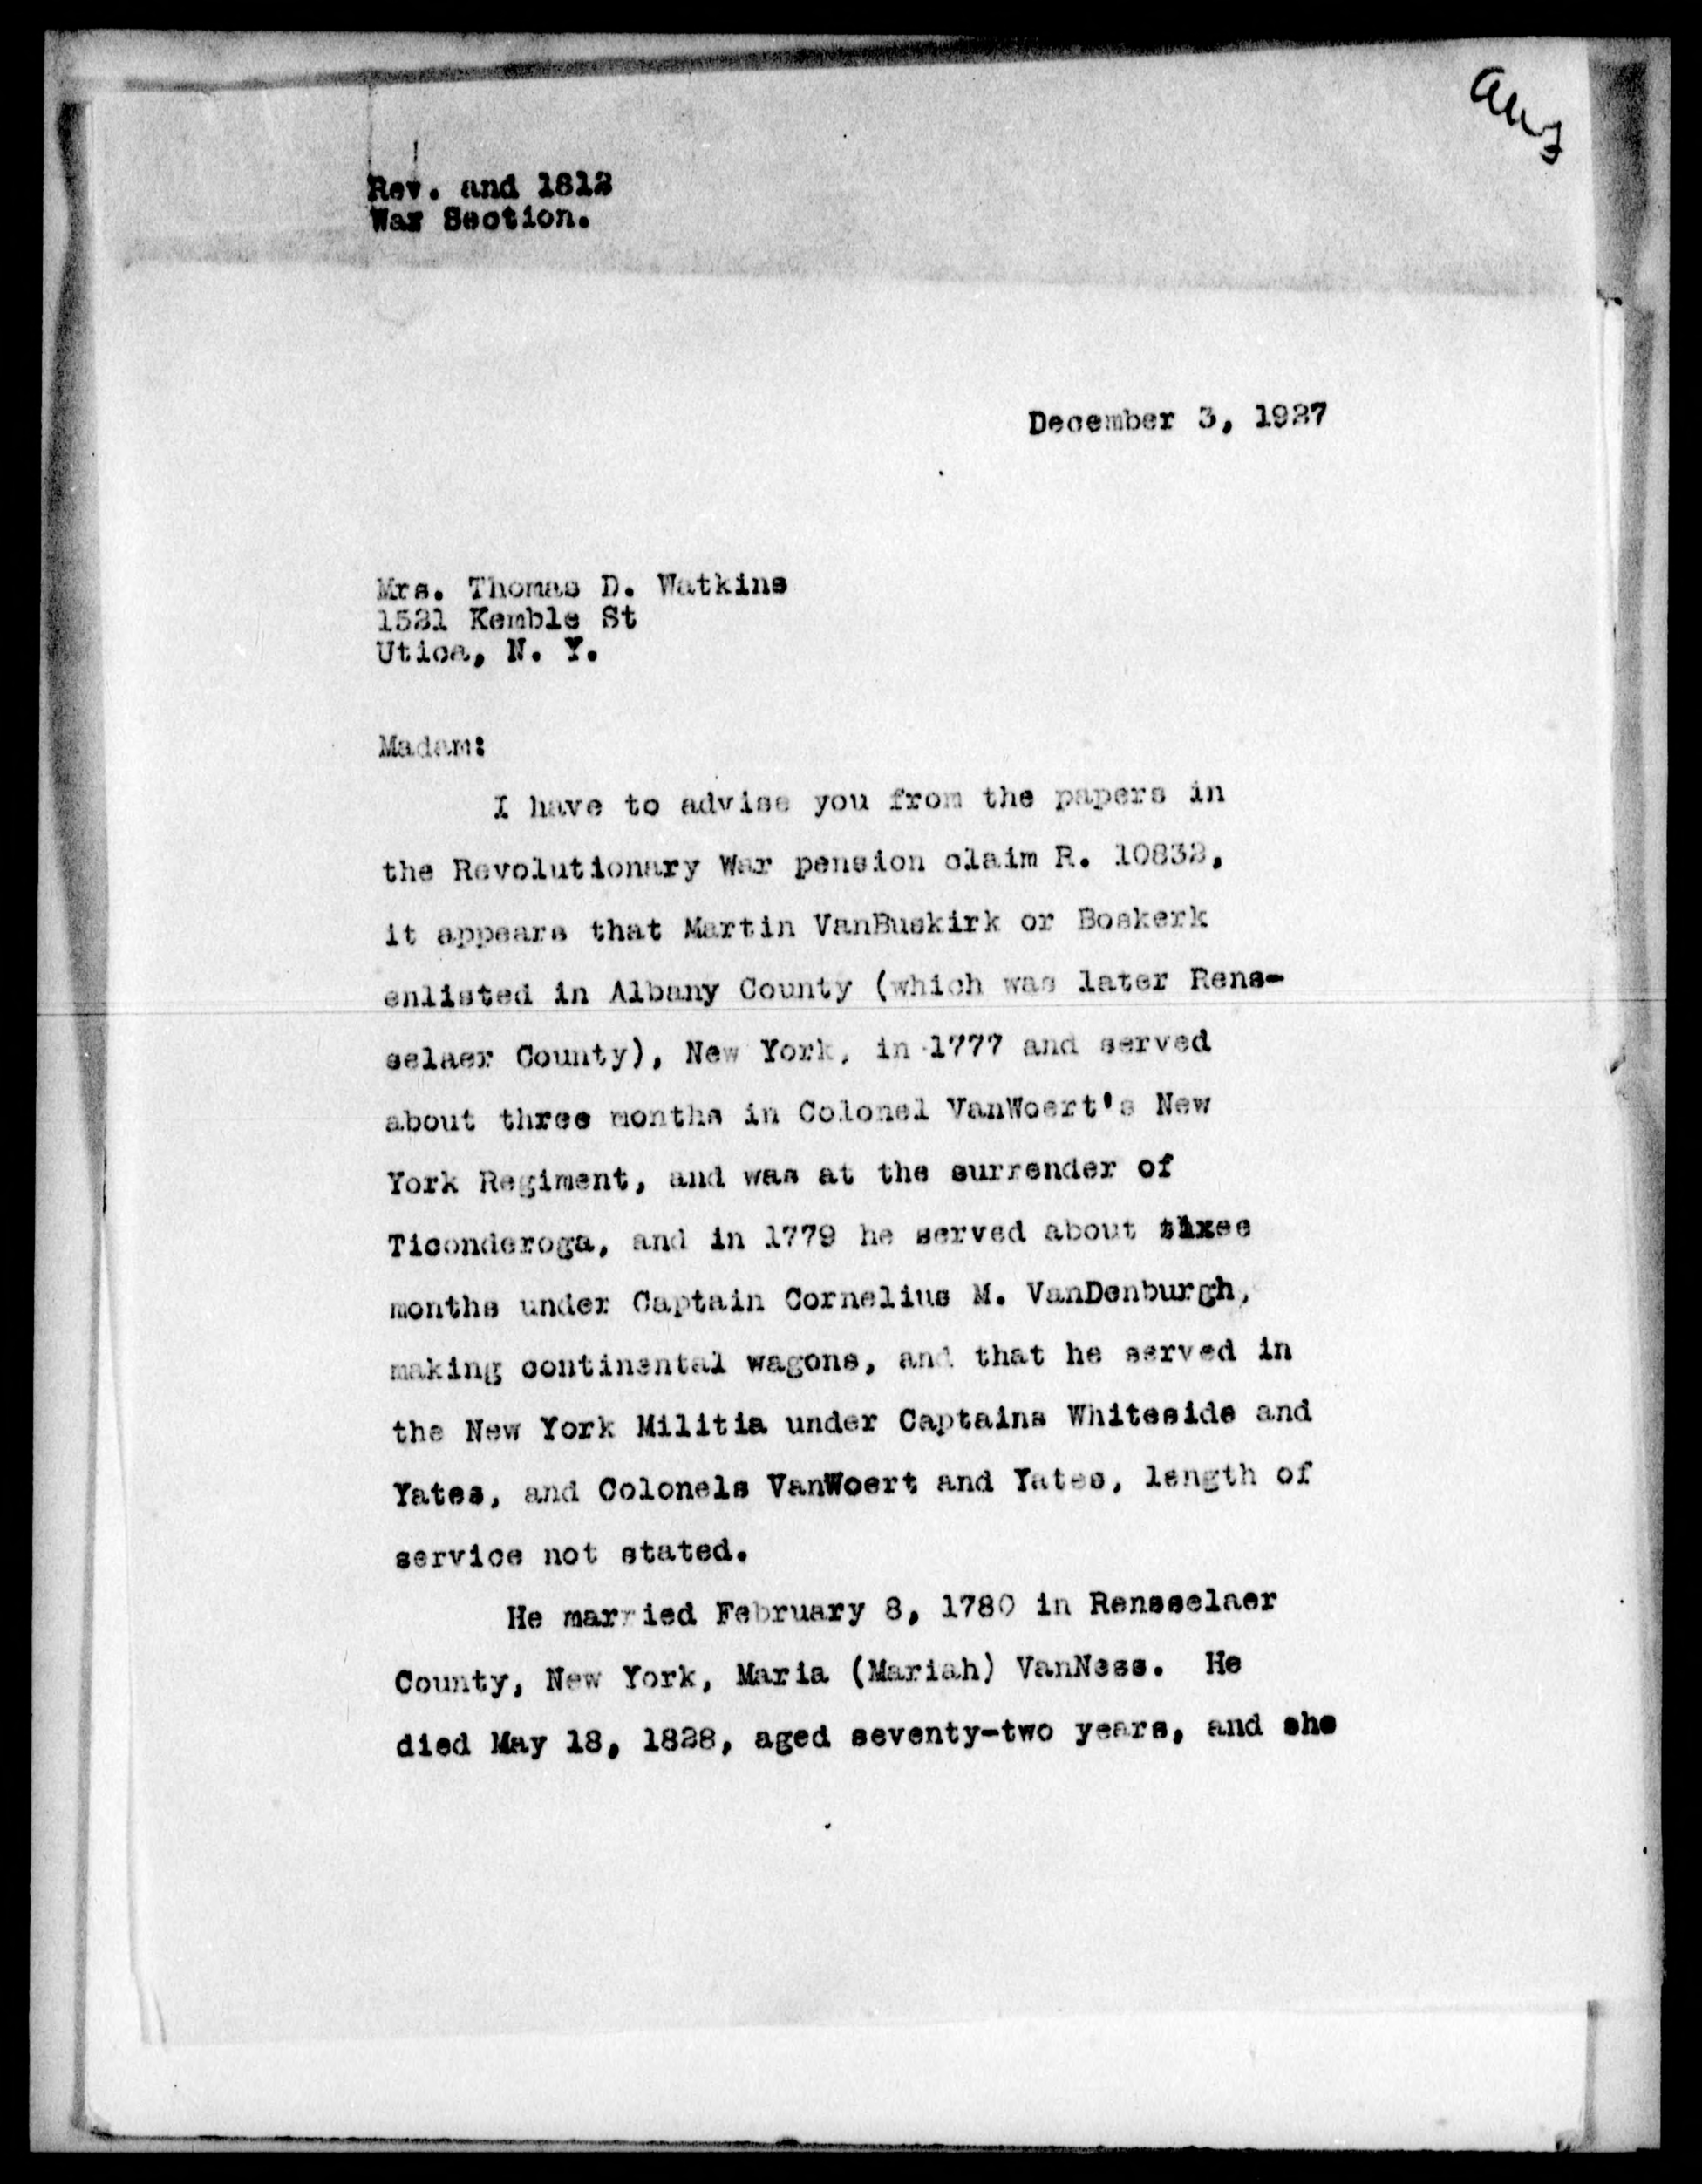Rev. and 1812
War Section.

[handwritten on top right of page]
AWS

December 3, 1927

Mrs. Thomas D. Watkins
1521 Kemble St
Utica, N. Y.

Madam;
I have to advise you from the papers in the Revolutionary War pension claim R. 10832, it appears that Martin Van Buskirk or Boskerk
enlisted in Albany County (which was later Rensselaer County), New York, in 1777 and served about three months in Colonel VanWoert's New York Regiment, and was at the surrender of Ticonderoga, and in 1779, he served about six [typed over three] months under Captain Cornelius M. Vandenburgh,
making continental wagons, and that he served in the New York Militia under Captains Whiteside and Yates, and Colonels VanWoert and Yates, length of service not stated.

He married February 8, 1780 in Rensselaer
County, New York, Maria (Mariah) VanNess. He
died May 18, 1828, aged seventy-two years, and she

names: Mariah Van Ness, Van Woert, Maria Van Ness, Yates, Martin Van Buskirk, Whiteside, Martin Boskerk, Cornelius M Van Denburgh, Yates, Thomas D Watkins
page: 14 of 70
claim: rejected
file: R. 10,832, Martin Van Buskirk, New York.